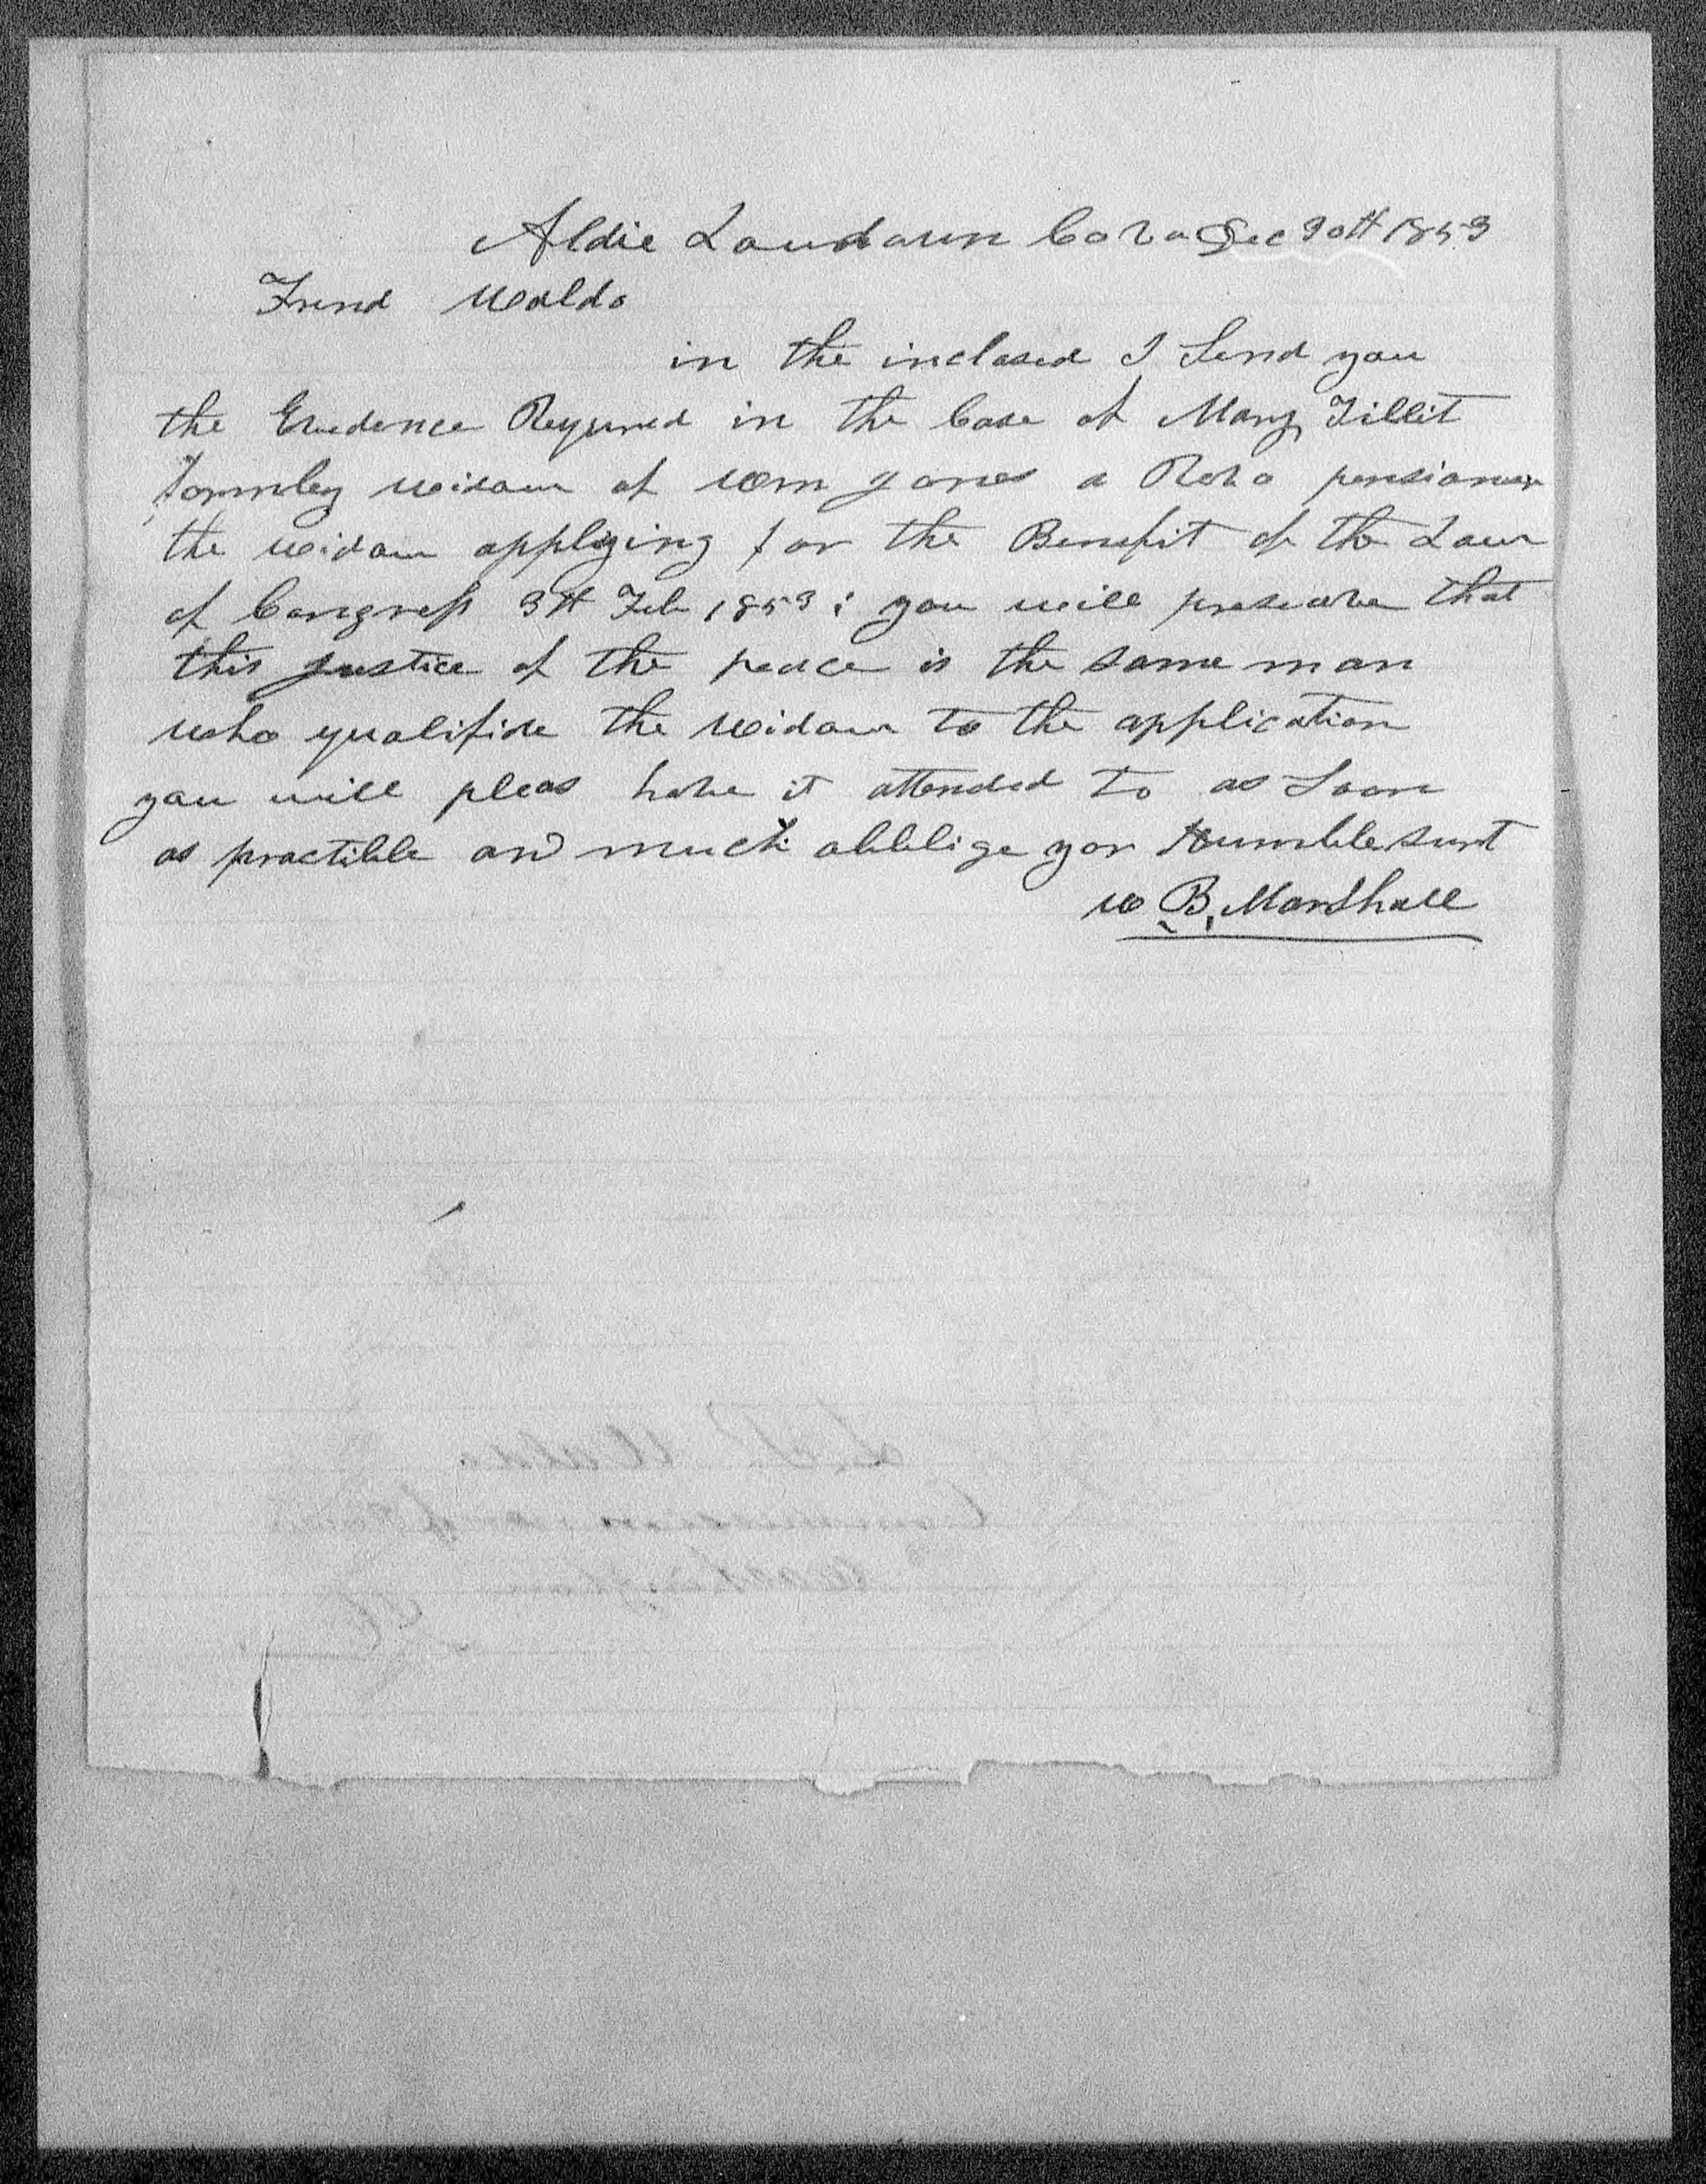Aldie Loudoun Co Va Dec 30th 1853
Frend Waldo
In the inclosed I end you the Evidence Required in the case of Mary Tillit formerly widow of wm Jones a Rev o pensioner the widow applying for the Benefit of the Law of Congress 3rd Feb 1853; you will preserve[?] that the Justice of the peace is the same man who qualified the widow to the application you will pleas have it attended to as soon as practible and much obblige yor humble servt
W.B. Marshall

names: Mary Tillit; W B Marshall; Frend Waldo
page: 24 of 39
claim: widow's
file: W 6292, for William Jones, Maryland